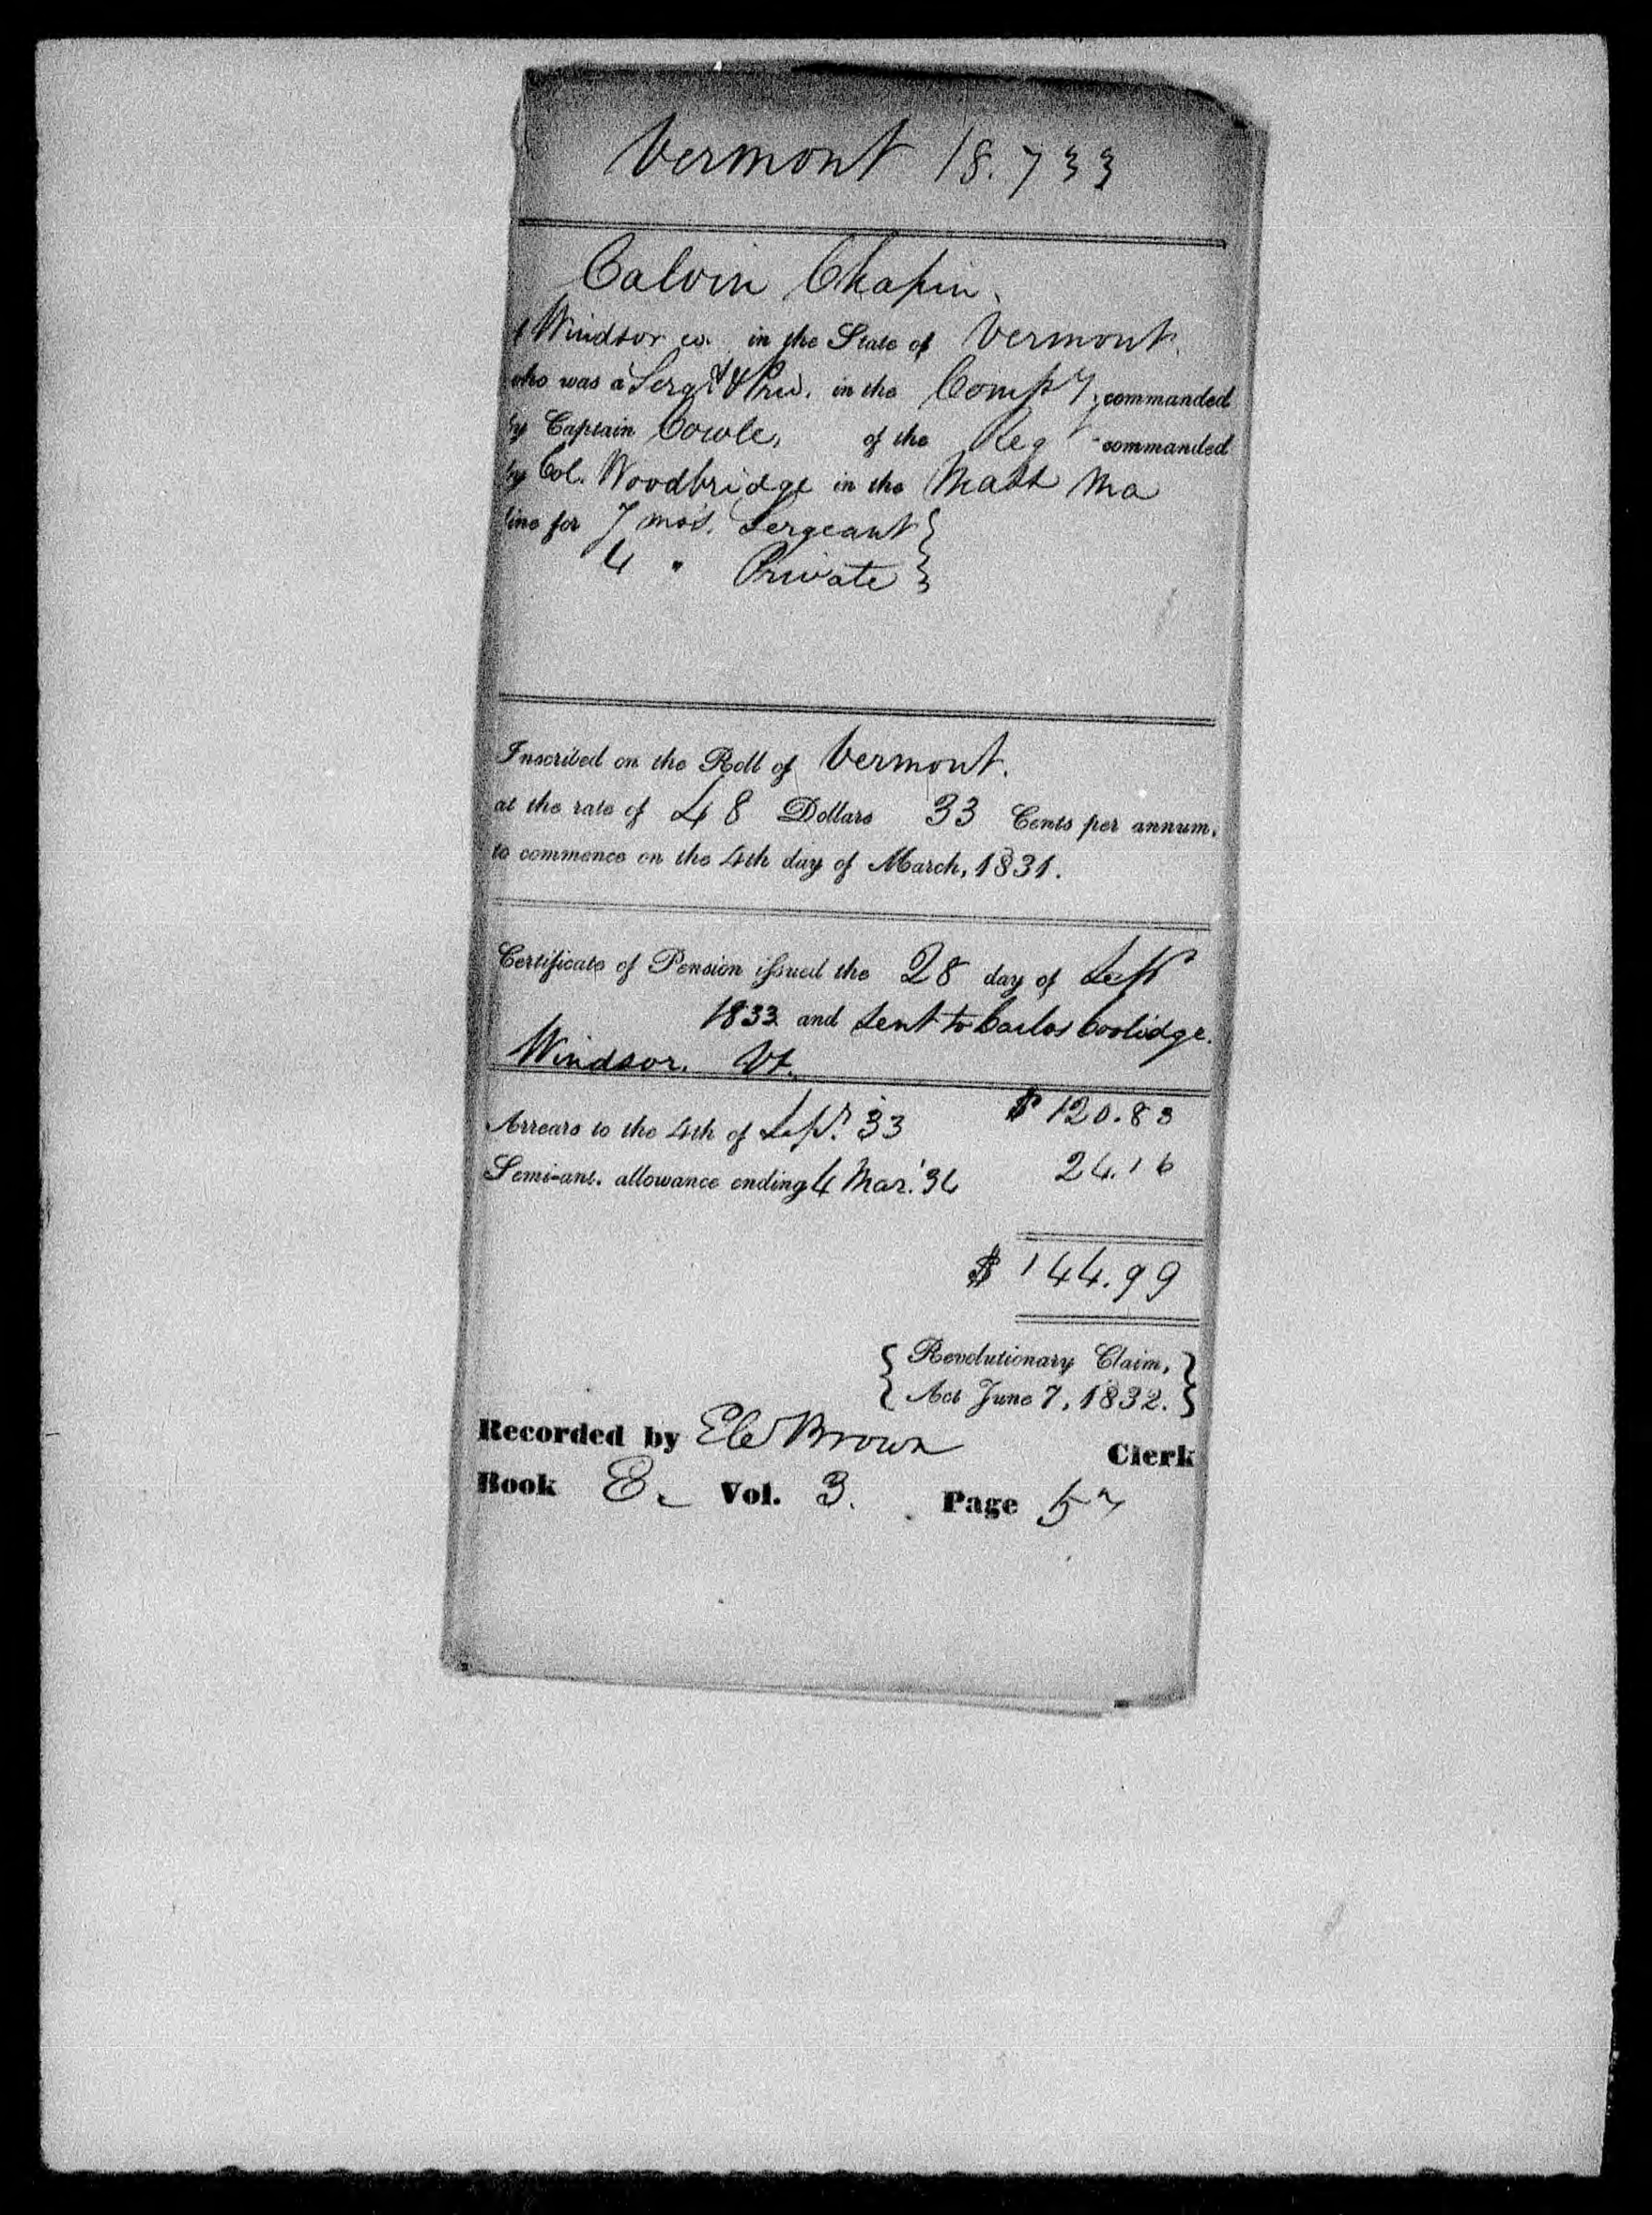[printed document with fill ins]

Vermont 18. 7 33

Calvin Chapin
of Windsor co. in the State of Vermont
who was a Sergt & Priv in the Comp^y, commanded
by Captain Cowle, of the Reg't commanded
by Col. Woodbridge in the Mass ma
line for 7 mo's Sergeant  4 mo's Private
_________________________________

Inscribed on the Roll of Vermont.
at the rate of 48 Dollars 33 Cents
to commence on the 4th day of March, 1834
________________________
Certificate of Pension issued the 28 day of Sept
1833 and sent to Carlos Coolidge
Windsor, Vt
__________________
Arrears to the 4th of Sept. 33
Semi-an. allowance ending 4 Mar. '36

$120.83
    24.16
________
$144.99

{Revolutionary Claim, Act June 7, 1832.}

Recorded by EC Brown        Clerk
Book  8 [or E.    Vol. 3.    Page 57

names: Woodbridge, Eb Brown, Carlos Coolidge, Cowle, Calvin Chapin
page: 2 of 35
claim: widow's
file: W. 20,864, Calvin Chapin, Mass. Vt.